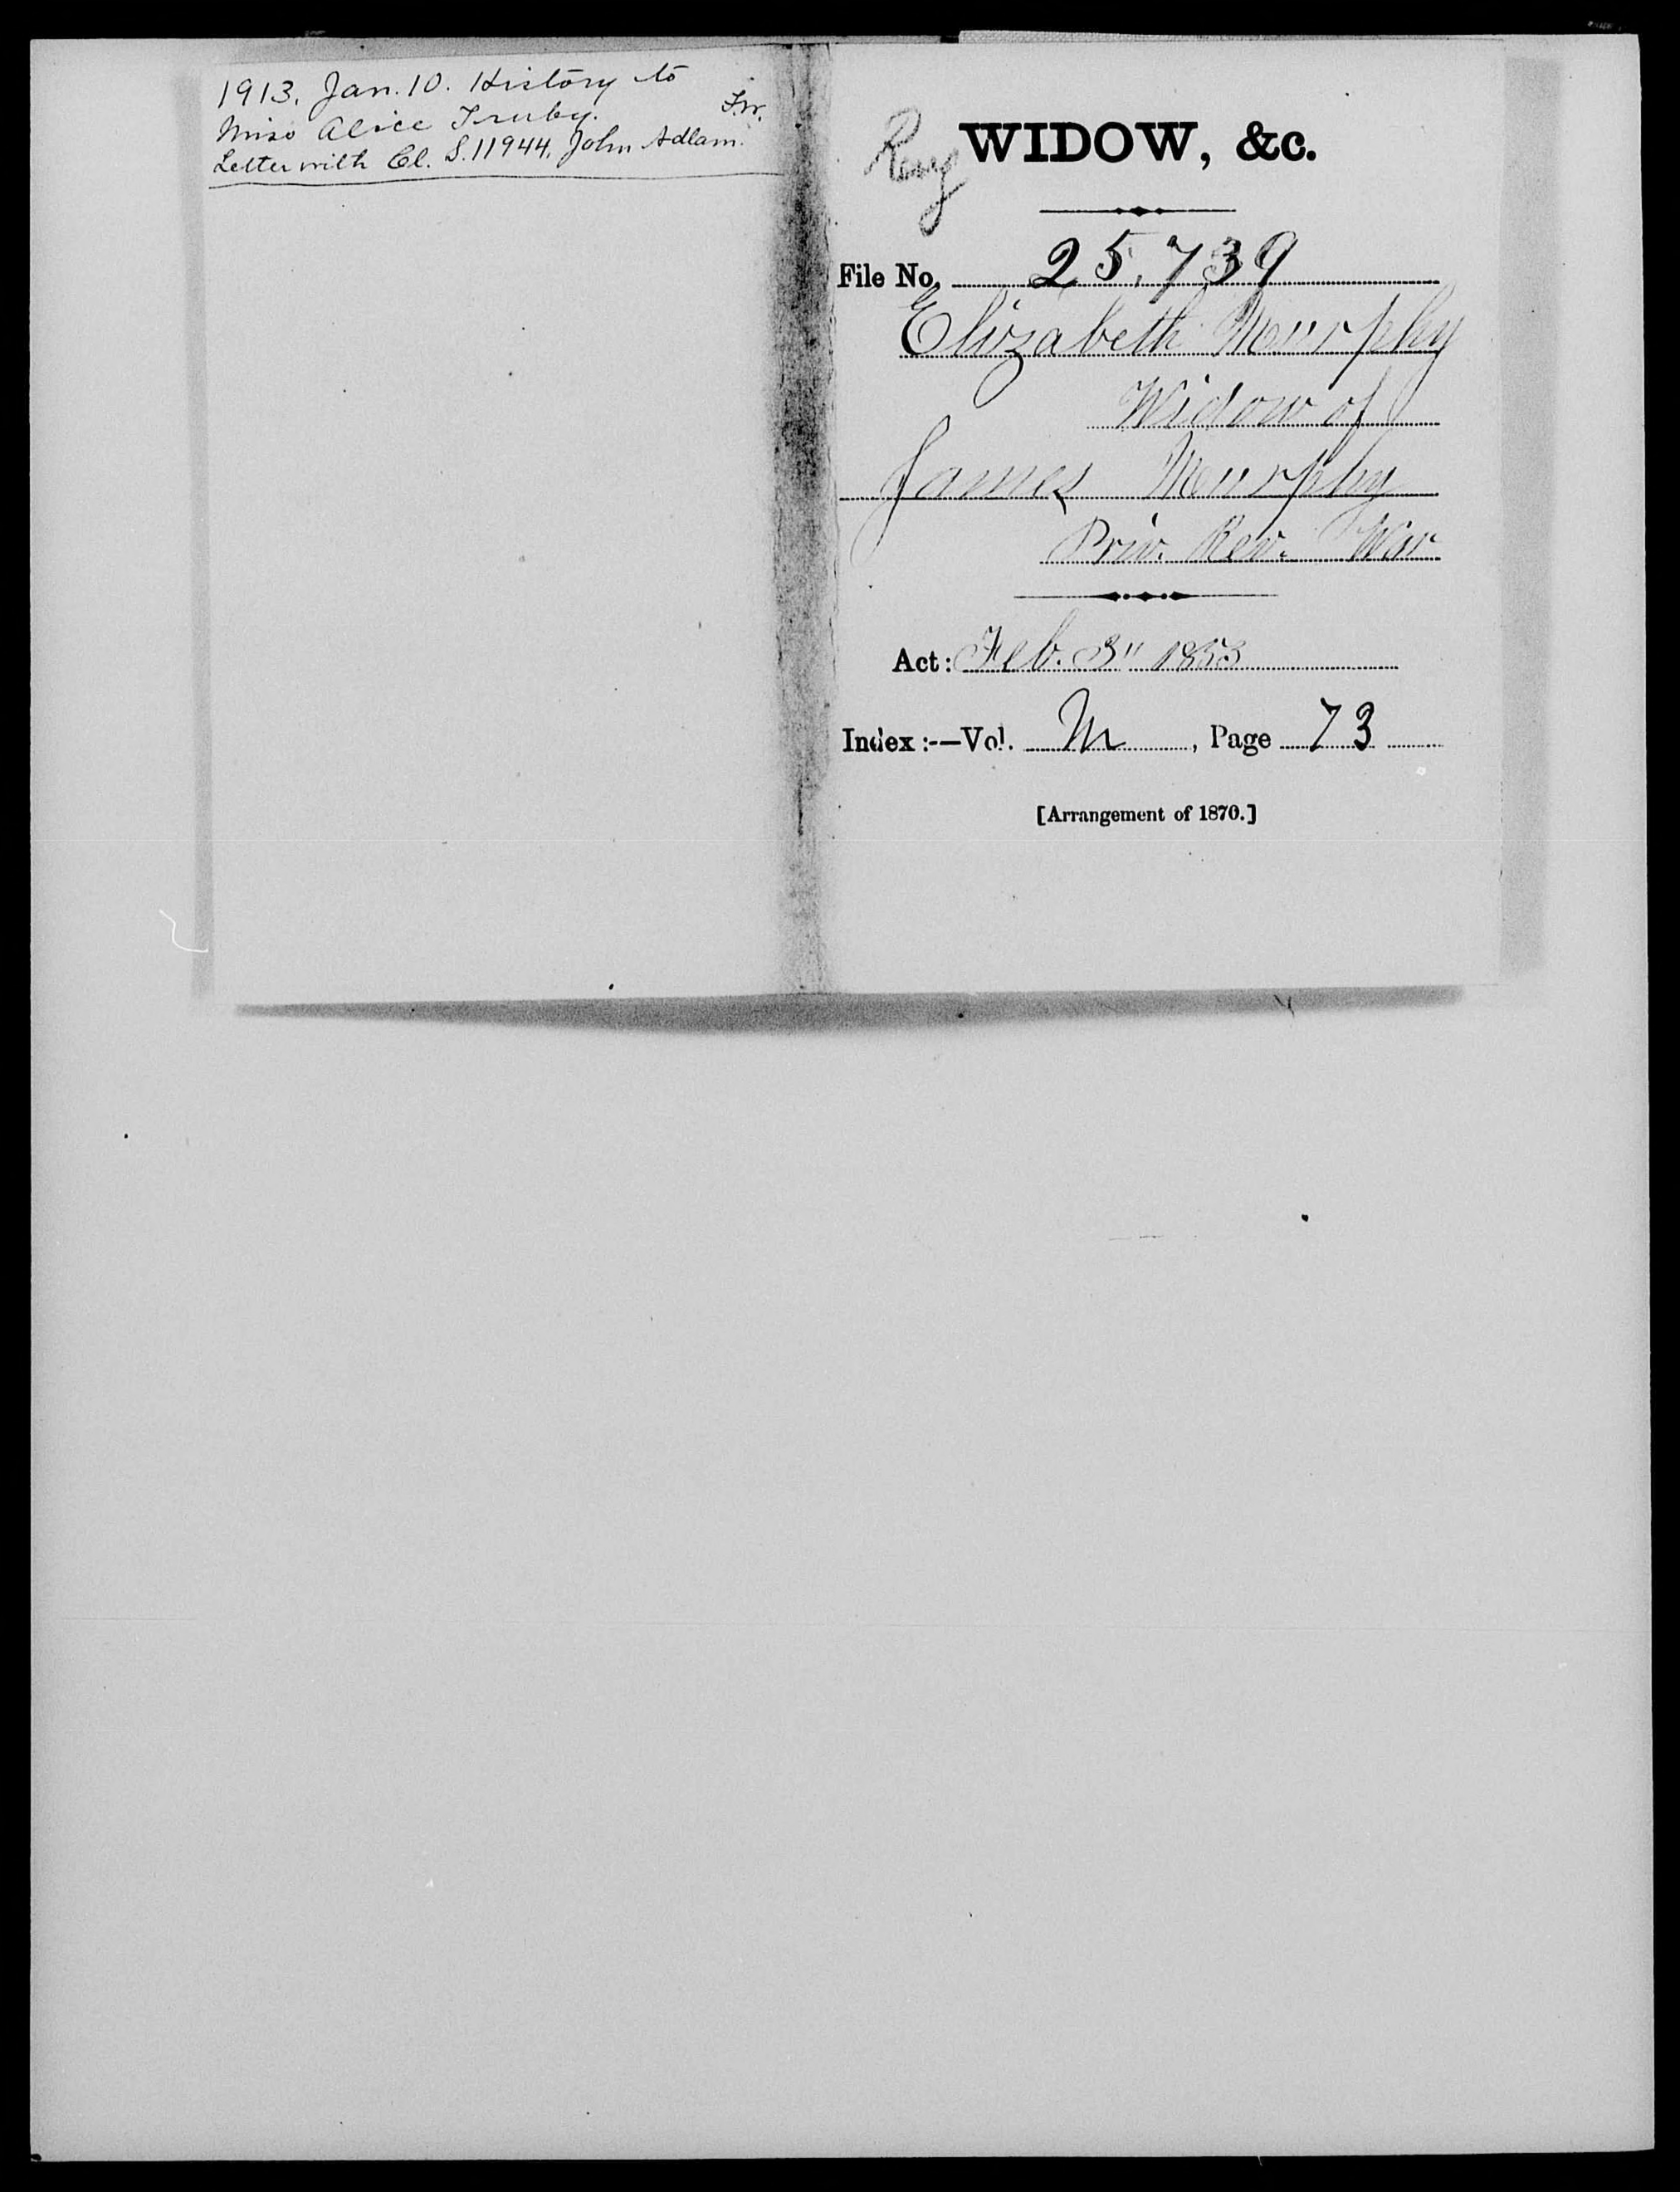1913 Jan. 10. History to
Miss Alice Truby
Letter with Cl..S. 1944. John Adlam.


rev
WIDOW, &c.
--------------
File No. 25, 739
Elizabeth Murphy
Widow of
James Murphy
Priv. Rev. Will
Act: Feb. 3, 1853
Index: -- Vol. M, Page 73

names: Elizabeth Murphy; James Murphy; Alice Truby; John Adlam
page: 56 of 57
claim: widow's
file: W. 25,739, for James Murphey, Pennsylvania